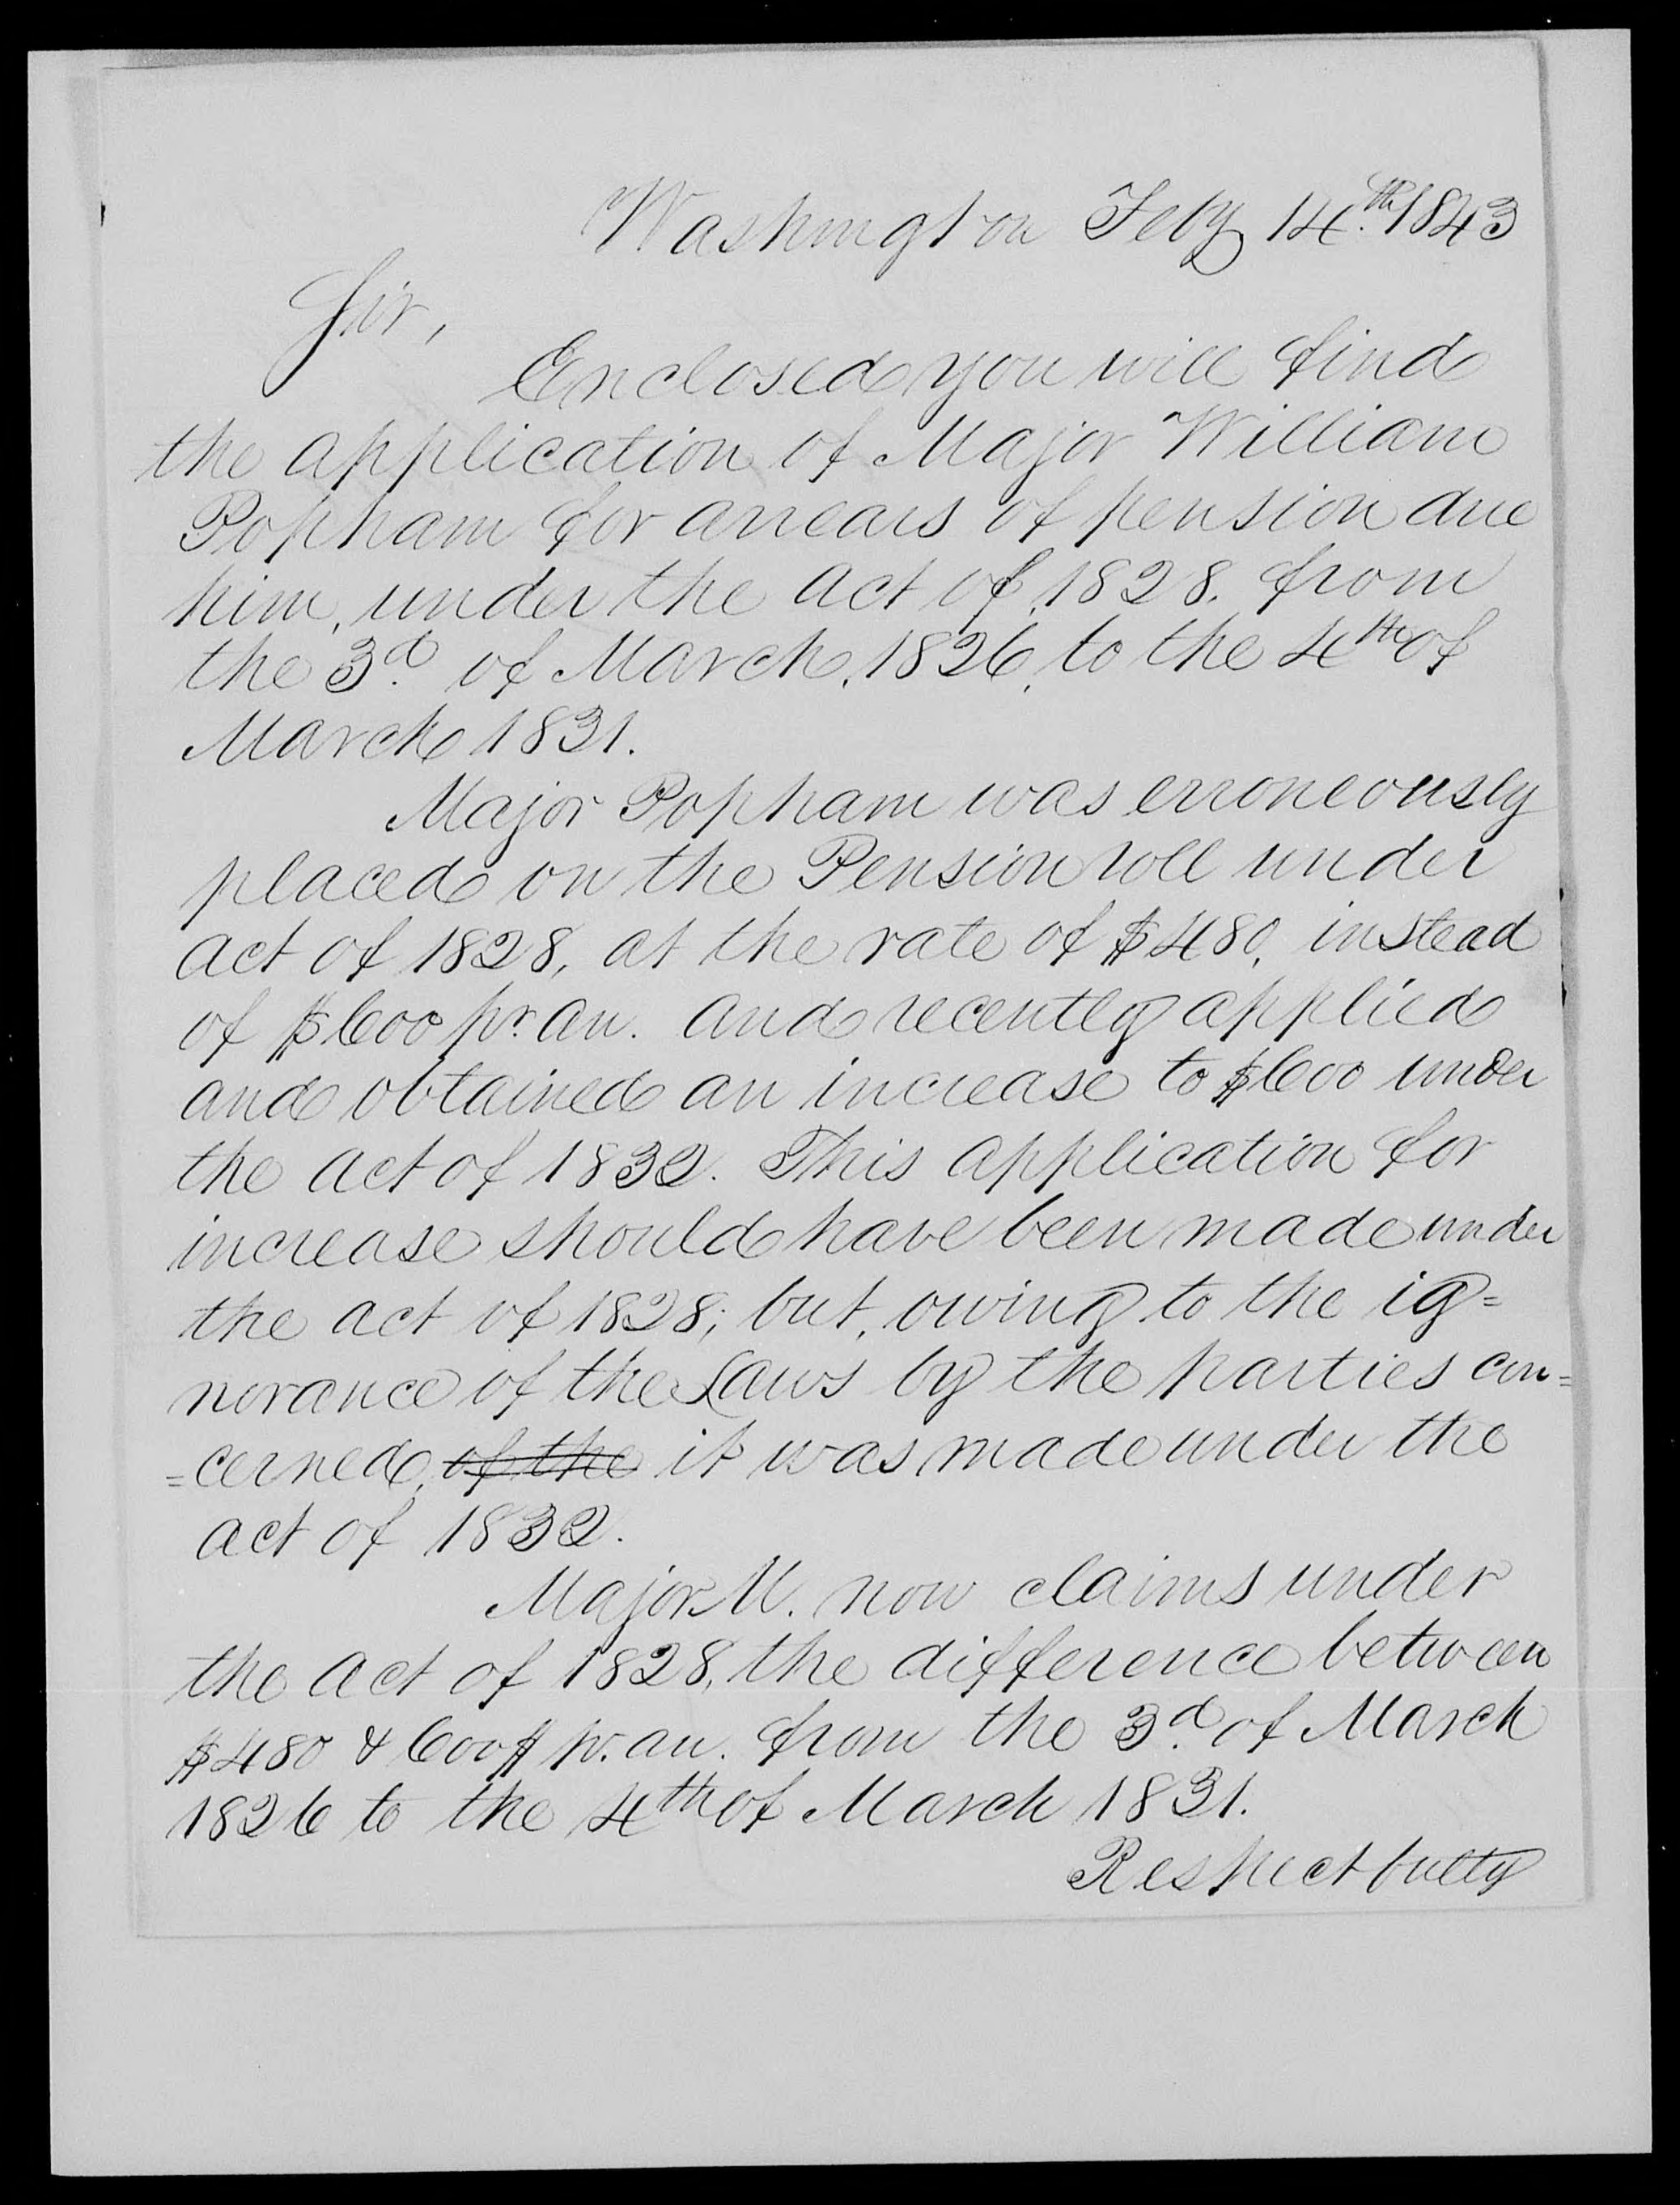Washington Feby 14.th 1843
Sir,
Enclosed you will find
the application of Major William
Popham for arrears of pension due
him, under the act of 1828.
from
the 3d of March, 1826 to the 4th of
March 1831.
Major Popham was erroneously
placed on the Pension roll under
act of 1828, at the rate of $480, instead
of $600 pr an. and recently applied
and obtained an increase to $600 under the
act of 1832. This application for
increase should have been made under the
act of 1828; but, owing to the ignorance
of the Laws by the parties concerned
[of the- crossed out] it was made under the
act of 1832.
Major M. now claims under the
act of 1828, the difference between
$480 & 600$ pr.an. from the 3d of March
1826 to the 4th of March 1831.
Respectfully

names: William Popham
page: 31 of 75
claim: survivor's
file: S. 9989, for William Popham, Delaware